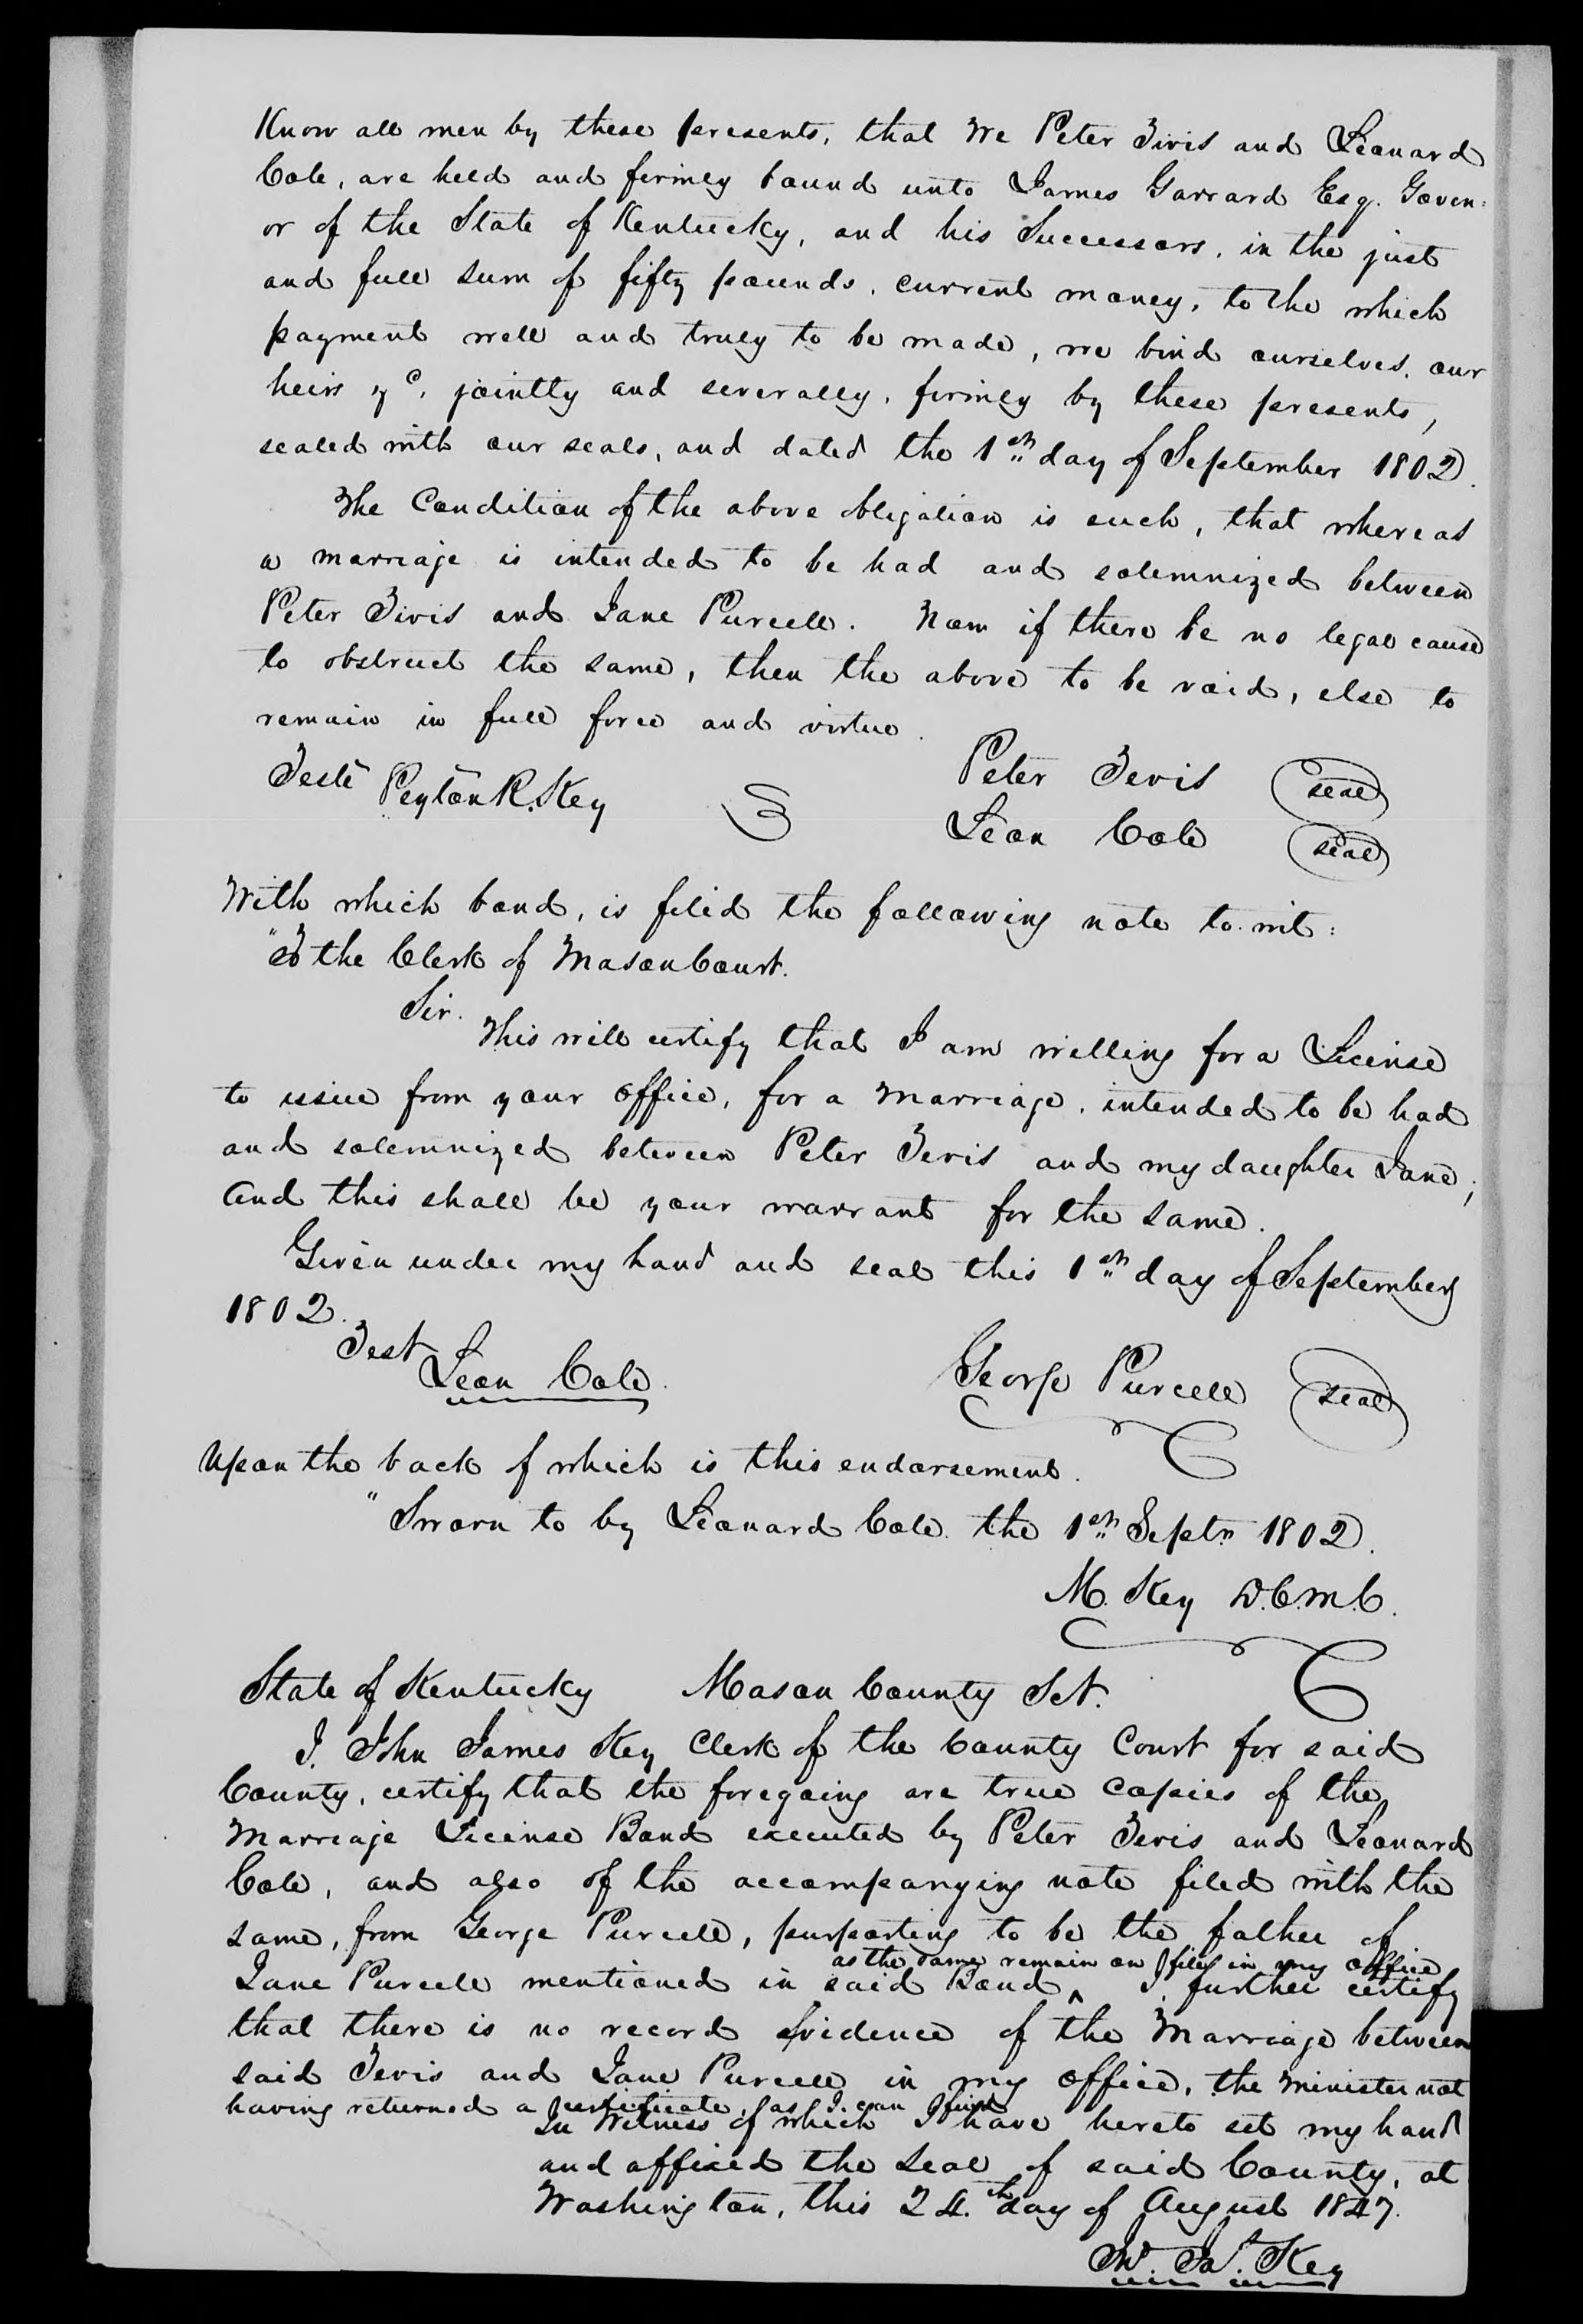Know all men by these presents, that We Peter Tevis and Leonard Cole, are held and firmly bound unto James Garrard Esq. Governor of the State of Kentucky, and his Successors, in the just and full sum of fifty pounds, current money,to the which payment well and truly to be made, we bind ourselves, our heirs afd, jointly and severally, firmly by these presents, sealed with our sesals, and dated the 1st day of September 1902.
The Condition of the above obligation is such, that whereas a marriage is intended to be had and solemnized between Peter Tevis and Jane Purcell. Now if there be no legal cause to obstruct the same, then the above to be void, else to remain in full force and virtue.
Peter Tevis {seal}
Teste
Peyton R. Key} Leon Cole {seal}

With which bond, is filed the following note to wit:
To the Clerk of Mason Court.
Sir
This will certify that I am willing for a License
to issue from your Office, for a marriage, intended to be had and solemnized between Peter Tevis and my daughter Jane; 
And this shall be your warrant for the same.
Given under my hand and seal this 1st day of September 1802.
Teste
Leon Cole. George Purcell {seal}
Upon the back of which is this endorsement.
"Sworn to by Leonard Cole the 1st Septr. 1802.
M. Key D.C.M.C.

State of Kentucky Mason County Sct.
I, John James Key Clerk of the County Court for said County, certify that the foregoing are true copies of the Marriage License Bond executed by Peter Tevis and Leonard Cole, and also of the accompanying note filed with the same, from George Purcell, purporting to be the father of Jane Purcell mentioned in said Bond as the same remain on file in my Office I further certify that there is no record of evidence of the Marriage between said Tevis and Jane Purcell in my office, the minister not having returned a Certificate as I can find
In witness of which I have hereto set my hand
and affixed the Seal of said County, at
Washington, this 24th day of August 1847.
Jno. Jas. Key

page: 16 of 86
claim: widow's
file: W. 6661, for George Purcell, Virginia